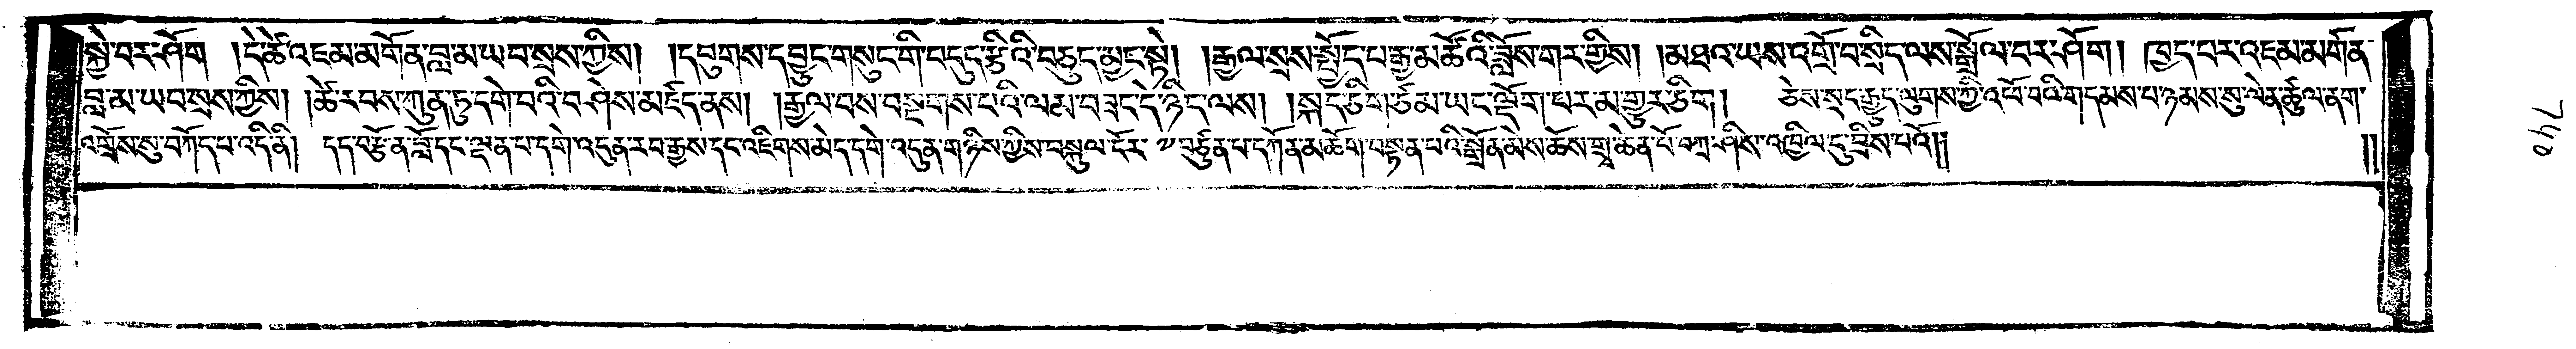སྐྱེ་བར་ཤོག །དེ་ཚེ་འཇམ་མགོན་བླ་མ་ཡབ་སྲས་ཀྱིས། །དབུགས་དབྱུང་གསུང་གི་བདུད་རྩིའི་བཅུད་མྱང་སྟེ། །རྒྱལ་སྲས་སྤྱོད་པ་རྒྱ་མཚོའི་ཟློས་གར་གྱིས། །མཐའ་ཡས་འགྲོ་བ་སྲིད་ལས་སྒྲོལ་བར་ཤོག། ཁྱད་པར་འཇམ་མགོན་
བླ་མ་ཡབ་སྲས་ཀྱིས། །ཚེ་རབས་ཀུན་ཏུ་དགེ་བའི་བཤེས་མཛད་ནས། །རྒྱལ་བས་བསྔགས་པའི་ལམ་བཟང་དེ་ཉིད་ལས། །སྐད་ཅིག་ཙམ་ཡང་ལྡོག་པར་མ་གྱུར་ཅིག། ཅེས་སྲད་རྒྱུད་ལུགས་ཀྱི་འཕོ་བའི་གདམས་བ་ཉམས་སུ་ལེན་ཚུལ་ནག་
འགྲོས་སུ་བཀོད་པ་འདི་ནི། །དད་བརྩོན་བློ་དང་ལྡན་པ་དགེ་འདུན་རབ་རྒྱས་དང་འཇིགས་མེད་དགེ་འདུན་གཉིས་ཀྱིས་བསྐུལ་ངོར་༈ བཙུན་པ་དཀོན་མཆོག་བསྟན་པའི་སྒྲོན་མེས་ཆོས་གྲྭ་ཆེན་པོ་བཀྲ་ཤིས་འཁྱིལ་དུ་བྲིས་པའོ།། །།